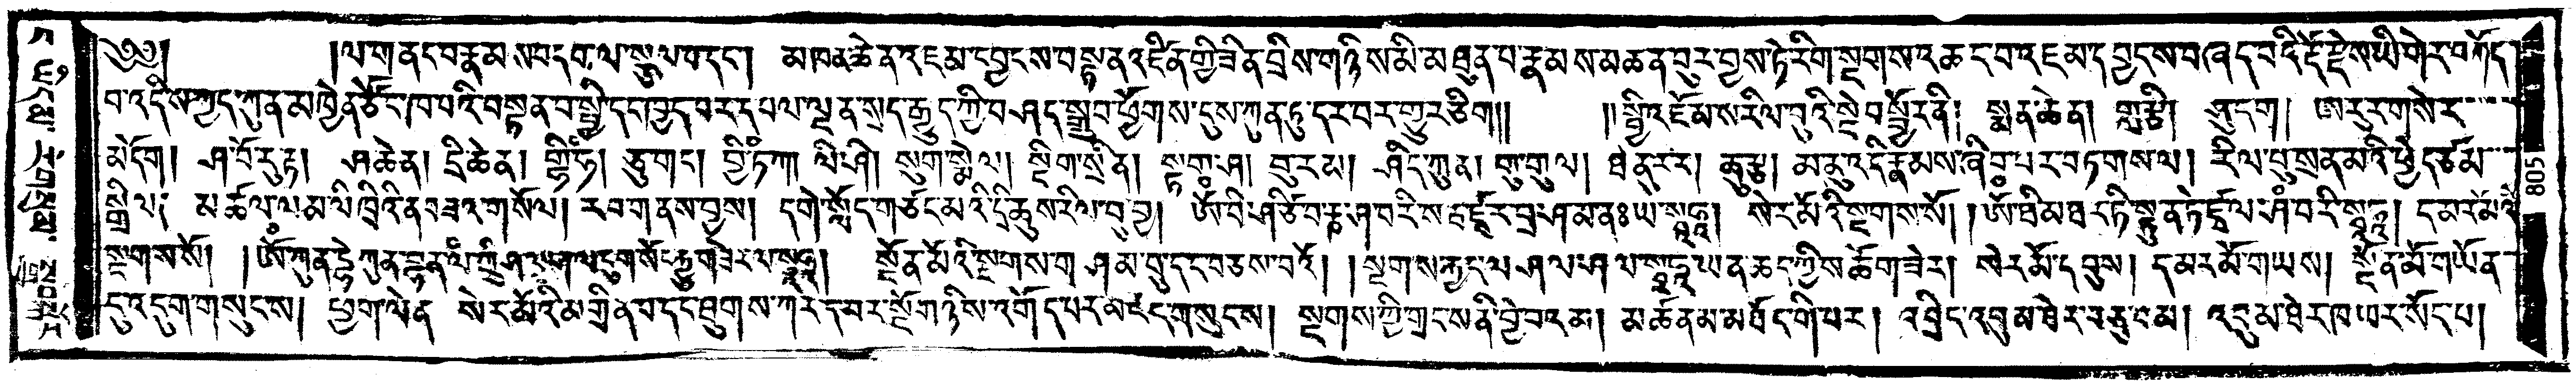༄༅། །ལ་གནང་བ་རྣམས་བདབ་ལ་སྩལ་པ་དང་། མཁན་ཆེན་འཇམ་དབྱངས་བསྟན་འཛིན་གྱི་ཟིན་བྲིས་གཉིས་མི་མཐུན་པ་རྣམས་མཆན་བུར་བྱས་ཏེ་རིག་སྔགས་འཆད་བ་འཇམ་དབྱངས་བཞད་པའི་རྡོ་རྗེས་ཡི་གེར་འགོད་
པ་འདིས་ཀྱང་ཀུན་མཁྱེན་ཙོང་ཁ་པའི་བསྟན་བ་སྤྱི་དང་ཁྱད་པར་དཔལ་ལྡན་སྲད་རྒྱུད་ཀྱི་བཤད་སྒྲུབ་ཕྱོགས་དུས་ཀུན་ཏུ་དར་པར་གྱུར་ཅིག།། །།སྦྱི་འཇོམ་ས་རིལ་བུའི་སྔེ་བ་སྦྱོར་ནི། སྨན་ཆེན། གླ་རྩི། རྩ་དག། ཨ་རུར་གསེར་
མདོག། ཤ་བོ་རུ་རྟ། ཤ་ཆེན། དྲི་ཆེན། གྷི་ཧཾ། ཅུ་གང་། བྱི་ཏཀ། ལི་ཤི། སུག་སྨེལ། སྡིག་སྲིན། སྟག་གུ་ཤ། བུ་རམ། ཤིད་ཀུན། གུ་གུལ། ཐ་ནུ་རར། ཆུ་རྩ། མ་ནུ་འདི་རྣམས་ཞིབ་པར་བཏགས་ལ། རིལ་བུ་སྲན་མའི་ཕྱེད་ཙམ་
སྒྲིལ༑ མཚལ་ལ་མ་ལི་ཁྲིའི་ན་བཟའ་གསོལ། རབ་གནས་བྱས། དགེ་སློད་གཙང་མའི་དྲི་ཆུས་རིལ་བུ་བྱ། ཨོ་བི་ཤི་ཙ་བ་རྞ་ཤ་བ་རིས་རྦ་རྡོ་ར་བྲ་ཤམ་ནཿ ཡ་སྭཱ་ཧཱ། སེར་མོའི་སྔགས་སོ། །ཨོཾ་ཐི་མཐར་ཏི་སྟུན་ཏེ་ཛྭ་ལ་ཤི་བ་རི་སྭཱ་ཧཱ། དམར་མོའི་
སྔགས་སོ། །ཨོཾ་ཀུན་དྷེ་ཀུན་བྷན་ལཾ་ཀྲུང་ཤལ་ཤལ་དུག་སོང་རྒྱུ་གཟེར་ལ་སྭཱ་ཧཱ། སྔོན་མོའི་སྔགས་གཤམ་བུ་དང་བཅས་བའོ། །སྔགས་བརྒྱད་ལ་ཤལ་ཤལ་སྭཱ་ཧཱ་ཡན་ཆད་ཀྱིས་ཆོག་ཟེར། སེར་མོ་དབུས། དམར་མོ་གཡས། སྔོན་མོ་གཡོན་
དུ་འདུག་གསུངས། ཕྱག་ལོན་སེར་མོའི་མགྲིན་པ་དང་ཐུགས་ཀར་དམར་སྔོ་གཉིས་འགོད་པར་མཛད་གསུངས། སྔགས་ཀྱི་གྲངས་ནི་བྱེ་བའམ། མཚན་མ་མཐོད་གི་པར། འབྲིང་འབུམ་ཐེར་བཅུ་འམ། འབུམ་ཐེར་ཁ་ཡར་སོད་པ།